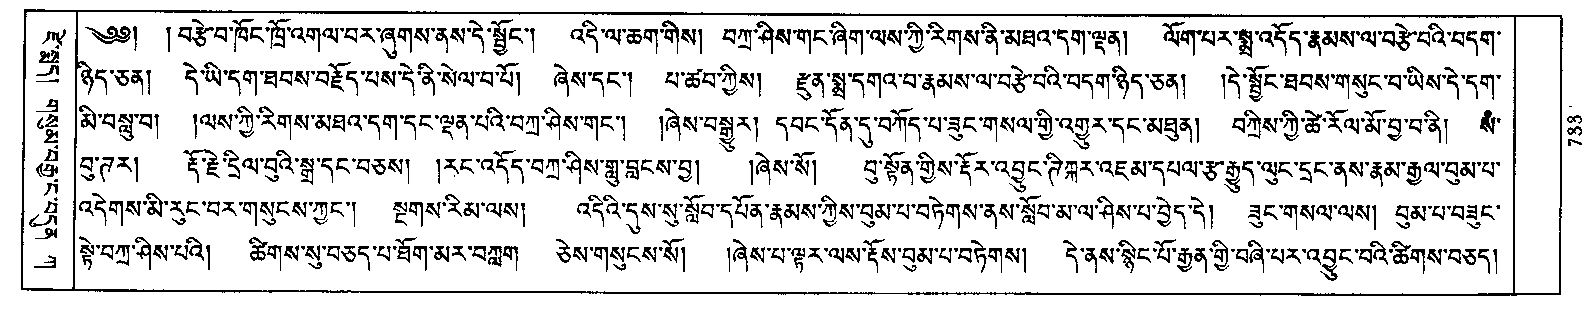༄༅། །བརྩེ་བ་ཁོང་ཁྲོ་འགལ་བར་ཞུགས་ནས་དེ་སྦྱོང་། འདི་ལ་ཆག་གིས། བཀྲ་ཤིས་གང་ཞིག་ལས་ཀྱི་རིགས་ནི་མཐའ་དག་ལྡན། ལོག་པར་སྨྲ་འདོད་རྣམས་ལ་བརྩེ་བའི་བདག་
ཉིད་ཅན། དེ་ཡི་དག་ཐབས་བརྗོད་པས་དེ་ནི་སེལ་བ་པོ། ཞེས་དང་། པ་ཚབ་ཀྱིས། རྫུན་སྨྲ་དགའ་བ་རྣམས་ལ་བརྩེ་བའི་བདག་ཉིད་ཅན། །དེ་སྦྱོང་ཐབས་གསུང་བ་ཡིས་དེ་དག་
མི་བསླུ་བ། །ལས་ཀྱི་རིགས་མཐའ་དག་དང་ལྡན་པའི་བཀྲ་ཤིས་གང་། །ཞེས་བསྒྱུར། དབང་དོན་དུ་བཀོད་པ་ཟུང་གསལ་གྱི་འགྱུར་དང་མཐུན། བཀྲིས་ཀྱི་ཚེ་རོལ་མོ་བྱ་བ་ནི། སཾ་
བུ་ཊར། རྡོ་རྗེ་དྲིལ་བུའི་སྒྲ་དང་བཅས། །རང་འདོད་བཀྲ་ཤིས་གླུ་བླངས་བྱ། །ཞེས་སོ། བུ་སྟོན་གྱིས་རྡོར་འབྱུང་ཊིཀྐར་འཇམ་དཔལ་རྩ་རྒྱུད་ལུང་དྲང་ནས་རྣམ་རྒྱལ་བུམ་པ་
འདེགས་མི་རུང་བར་གསུངས་ཀྱང་། སྔགས་རིམ་ལས། འདིའི་དུས་སུ་སློབ་དཔོན་རྣམས་ཀྱིས་བུམ་པ་བཏེགས་ནས་སློབ་མ་ལ་ཤིས་པ་བྱེད་དེ། ཟུང་གསལ་ལས། བུམ་པ་བཟུང་
སྟེ་བཀྲ་ཤིས་པའི། ཚིགས་སུ་བཅད་པ་ཐོག་མར་བཀླག་ཅེས་གསུངས་སོ། །ཞེས་པ་ལྟར་ལས་རྡོས་བུམ་པ་བཏེགས། དེ་ནས་སྙིང་པོ་རྒྱན་གྱི་བཞི་པར་འབྱུང་བའི་ཚིགས་བཅད།